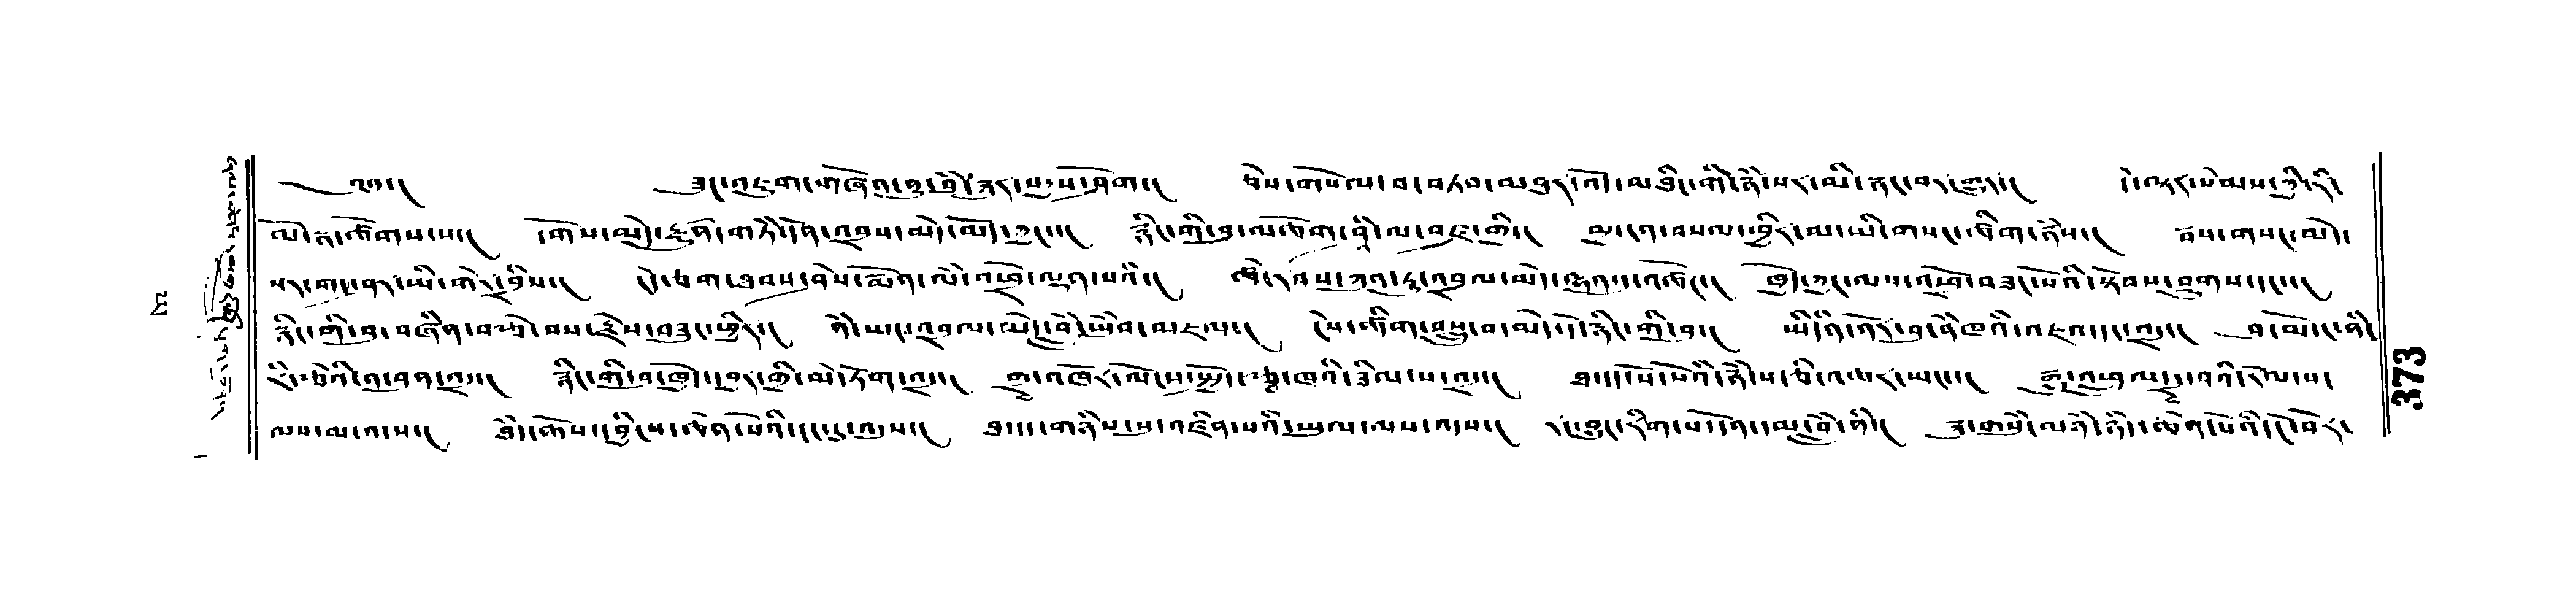།ཟུང་འཇུག་གཞོན་ནུ་བུམ་སྐུར་སངས་རྒྱས་ཤོག ཅེས་གསོལ་བ་བཏབ་མཐར་འོད་མཐིང་གི་རྣམ་པར་མི་སྣང་བར་གྱུར། དེ་ལྟར་སེམས་ཀྱི་རི་
མོ་སྣ་ཚོགས་པ། །དགོས་མེད་རྫུན་གཏམ་དོན་འབྲས་མེད་མོད་ཀྱང་། །སྙིང་གི་བུ་མཆོག་ཤཱི་ལ་བཛྲ་གྱི། །མྱ་ངན་བསལ་ཕྱིར་མ་ཡི་གསང་ཚིག་རྣམས། །སྦས་གསང་མེད་
པར་གང་ཤར་ཡི་གེར་བྲིས། །ངེད་ཅག་ཐབས་ཤེས་སྨོན་ལམ་འཕྲོ་ལྡན་པས། །ཚེ་རབས་ཀུན་ཏུ་འབྲལ་མེད་ལྷན་དུ་འཚོགས། ཁྱོད་ཀྱང་ལས་འཕྲོ་བཟང་པོའི་སྟོབས་ཤུགས་དང་། །
སྙིང་གི་བུ་བཞིན་བརྩེ་བས་རྗེས་བཟུང་ཕྱིར། །ནམ་ཡང་འབྲལ་མེད་བླ་མ་ཡབ་ཡུམ་མཇལ། །ངེས་ཚིག་བསླུ་བ་མེད་དོ་སྙིང་གི་བུ། །ཡིད་བཞིན་ནོར་བུ་ནམ་མཁའི་འཇའ་དང་འདྲ། །བུ་མོ་ང་ནི་
རི་རྩེའི་ན་བུན་འདྲ། །སྙིང་གི་བུ་ཁྱོད་དབྱར་གྱི་མེ་ཏོག་འདྲ། །གྲྭ་འཁོར་ལོངས་སྤྱོད་རྩྭ་ཁའི་ཟིལ་པ་འདྲ། །ཐ་དད་སོ་སོའི་རྣམ་པ་ཅི་འཆར་ཡང་། །སྒྱུ་འཕྲུལ་དྲྭ་བའི་རོལ་པ་
ལས་མ་འདས། །ཐམས་ཅད་ཆོས་དབྱིངས་ཆེན་པོའི་ངང་དུ་འདུས། །ཐ་དད་གཉིས་སུ་འཛིན་པའི་ཡུལ་ལས་འདས། །རང་བྱུང་རིག་པ་དོན་དམ་བླ་མ་ནི། །སྐུ་གསུམ་མཉམ་ཉིད་ཆེན་པོའི་ངོ་བོར་